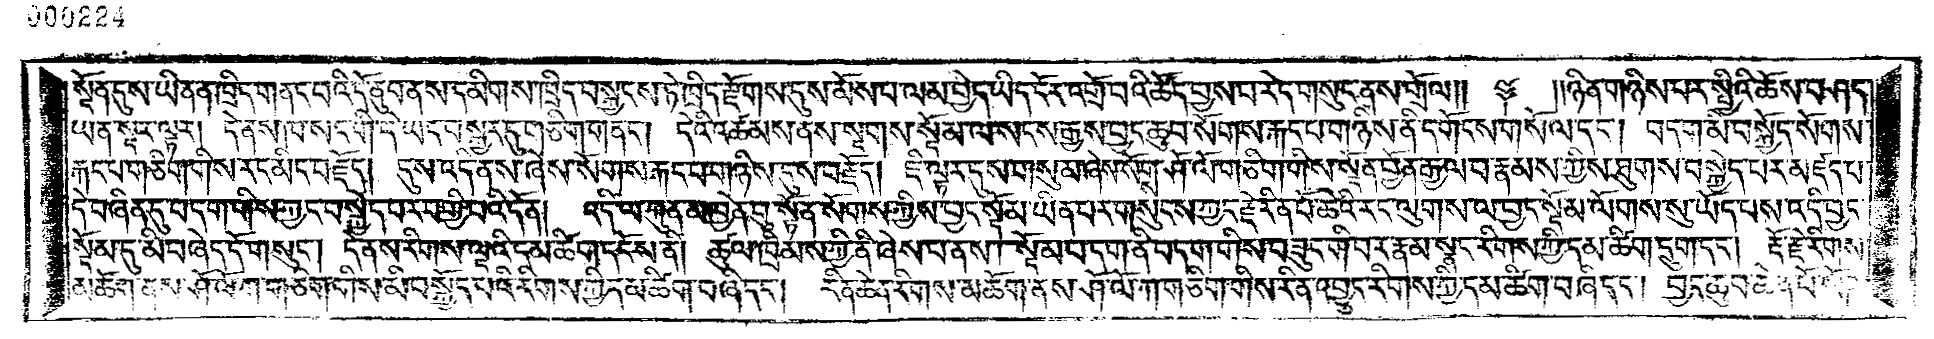སྔོན་དུས་ཡིན་ན་ཁྲིད་གནང་བའི་དོ་ནུབ་ནས་དམིགས་ཁྲིད་བསྐྱངས་ཏེ་ཁྲིད་རྫོགས་དུས་མོས་པ་ལམ་བྱེད་ཡིད་ངོར་འགྲོ་བའི་ཚོད་བྱས་པ་རེད་གསུང་ནས་གྲོལ།། ༈ །།ཉིན་གཉིས་པར་སྤྱིའི་ཆོས་བཤད་
ཡན་སྔར་ལྟར། དེ་ནས་ཁ་སང་གི་དེ་ཡང་བསྐྱར་དུ་གཅིག་གནང་། དེའི་འཚམས་ནས་སྔགས་སྡོམ་ལ་སངས་རྒྱས་བྱང་ཆུབ་སོགས་རྐང་པ་གཉིས་ནི་དགོངས་གསོལ་དང་། བདག་མི་བསྐྱོད་སོགས་
རྐང་པ་གཅིག་གིས་རང་མིང་བརྗོད། དུས་འདི་ནས་ཞེས་སོགས་རྐང་པ་གཉིས་དུས་བརྗོད། ཇི་ལྟར་དུས་གསུམ་ཞེས་སོགས་ཤོ་ལོ་གཅིག་གིས་སྔོན་བྱོན་རྒྱལ་བ་རྣམས་ཀྱིས་ཐུགས་བསྐྱེད་པར་མཛད་པ་
དེ་བཞིན་དུ་བདག་གིས་ཀྱང་བསྐྱེད་པར་བགྱི་བའི་དོན། འདི་ལ་ཀུན་མཁྱེན་བུ་སྟོན་སོགས་ཀྱིས་བྱང་སྡོམ་ཡིན་པར་གསུངས་ཀྱང་རྗེ་རིན་པོ་ཆེའི་རང་ལུགས་ལ་བྱང་སྡོམ་ལོགས་སུ་ཡོད་པས་འདི་བྱང་
སྡོམ་དུ་མི་བཞེད་དོ་གསུང་། དེ་ནས་རིགས་ལྔའི་དམ་ཚིག་དངོས་ནི། ཚུལ་ཁྲིམས་ཀྱི་ནི་ཞེས་པ་ནས། སྡོམ་པ་དག་ནི་བདག་གིས་བཟུང་གི་བར་རྣམ་སྣང་རིགས་ཀྱི་དམ་ཚིག་དྲུག་དང་། རྡོ་རྗེ་རིགས་
མཆོག་ནས་ཤོ་ལོ་ཀ་གཅིག་གིས་མི་བསྐྱོད་པའི་རིགས་ཀྱི་དམ་ཚིག་བཞི་དང་། རིན་ཆེན་རིགས་མཆོག་ནས་ཤོ་ལོ་ཀ་གཅིག་གིས་རིན་འབྱུང་རིགས་ཀྱི་དམ་ཚིག་བཞི་དང་། བྱང་ཆུབ་ཆེན་པོ་སོགས་